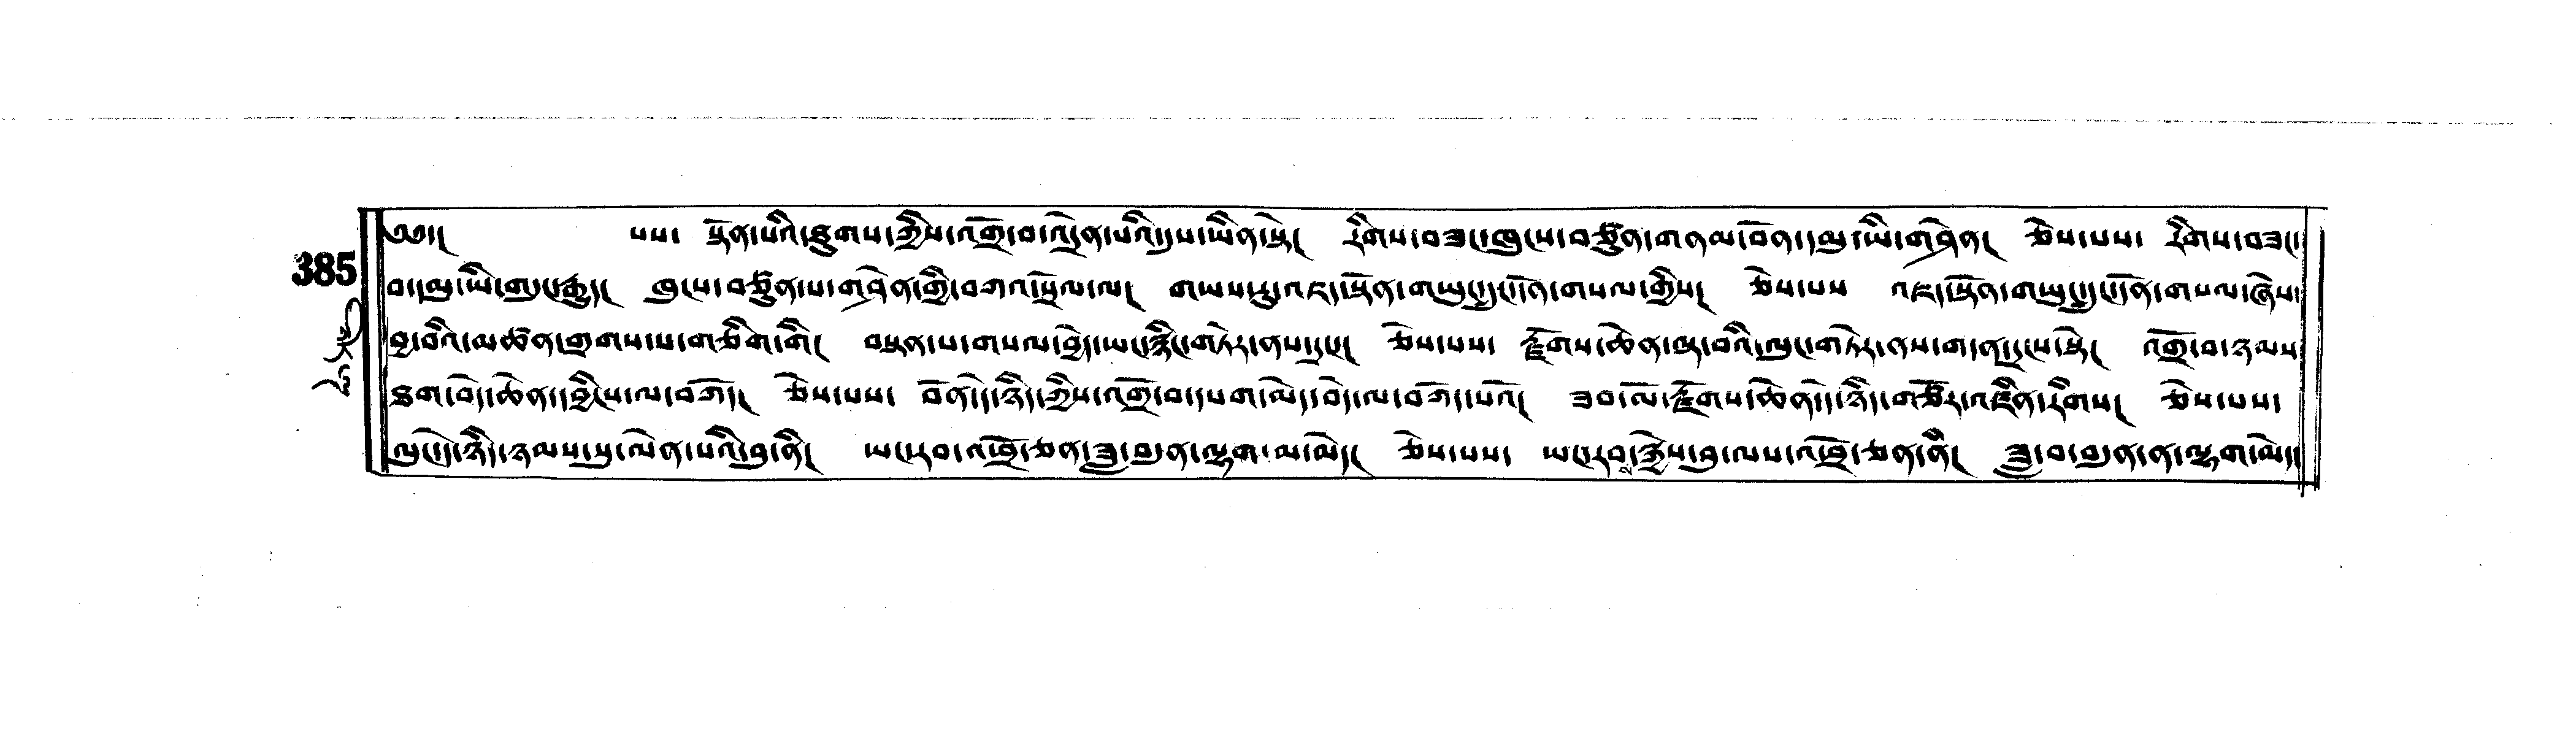པས། སྟོན་པའི་ཐུགས་ཀྱིས་འགྲོ་བ་འདྲེན་པའི་དུས་ཡིན་ཏེ། རིགས་བཟང་ཁུངས་བཙུན་གནམ་བོན་དམུ་ཡི་གཤེན། ཅེས་པས། རིགས་བཟང་
བ་དམུ་ཡི་གདུང་བརྒྱུད། ཁུངས་བཙུན་པ་གཤེན་གྱི་བཀའ་སྲོལ་ལ། གཡས་རུ་འཇེད་སྟོན་གཡུང་དྲུང་དོན་གསལ་གྱིས། ཅེས་པས། འཇེད་སྟོན་གཡུང་དྲུང་དོན་གསལ་ཞེས་
བྱ་བའི་མཚན་གྲགས་པ་གཅིག་གིས། བསྟན་པ་གསལ་བྱེད་ཡང་སྙིང་གཏེར་ནས་དྲངས། ཅེས་པས། རྫོགས་ཆེན་ལྟ་བའི་ལུང་གཏེར་ནས་གདན་དྲངས་ཏེ། འགྲོ་བ་ཉམ་
ཐག་བདེ་ཆེན་དབྱིངས་ལ་བཀོད། ཅེས་པས། བོན་དེ་ཉིད་ཀྱིས་འགྲོ་བ་དཔག་མེད་བདེ་ལ་བཀོད་པའོ། ཟབ་མོ་རྫོགས་ཆེན་དེ་ཉིད་གཙོར་འཛིན་རིགས། ཅེས་པས། 
ལུང་དེ་ཉིད་ཉམས་སུ་ལེན་པའི་བུ་ནི། ཡང་རབ་འཕྲོ་ཅན་ཟླ་བདུན་ལྷག་མ་མེད། ཅེས་པས། ཡང་རབ་སྐྱེས་བུ་ལས་འཕྲོ་ཅན་ནི། ཟླ་བ་བདུན་ན་ལྷག་མེད་